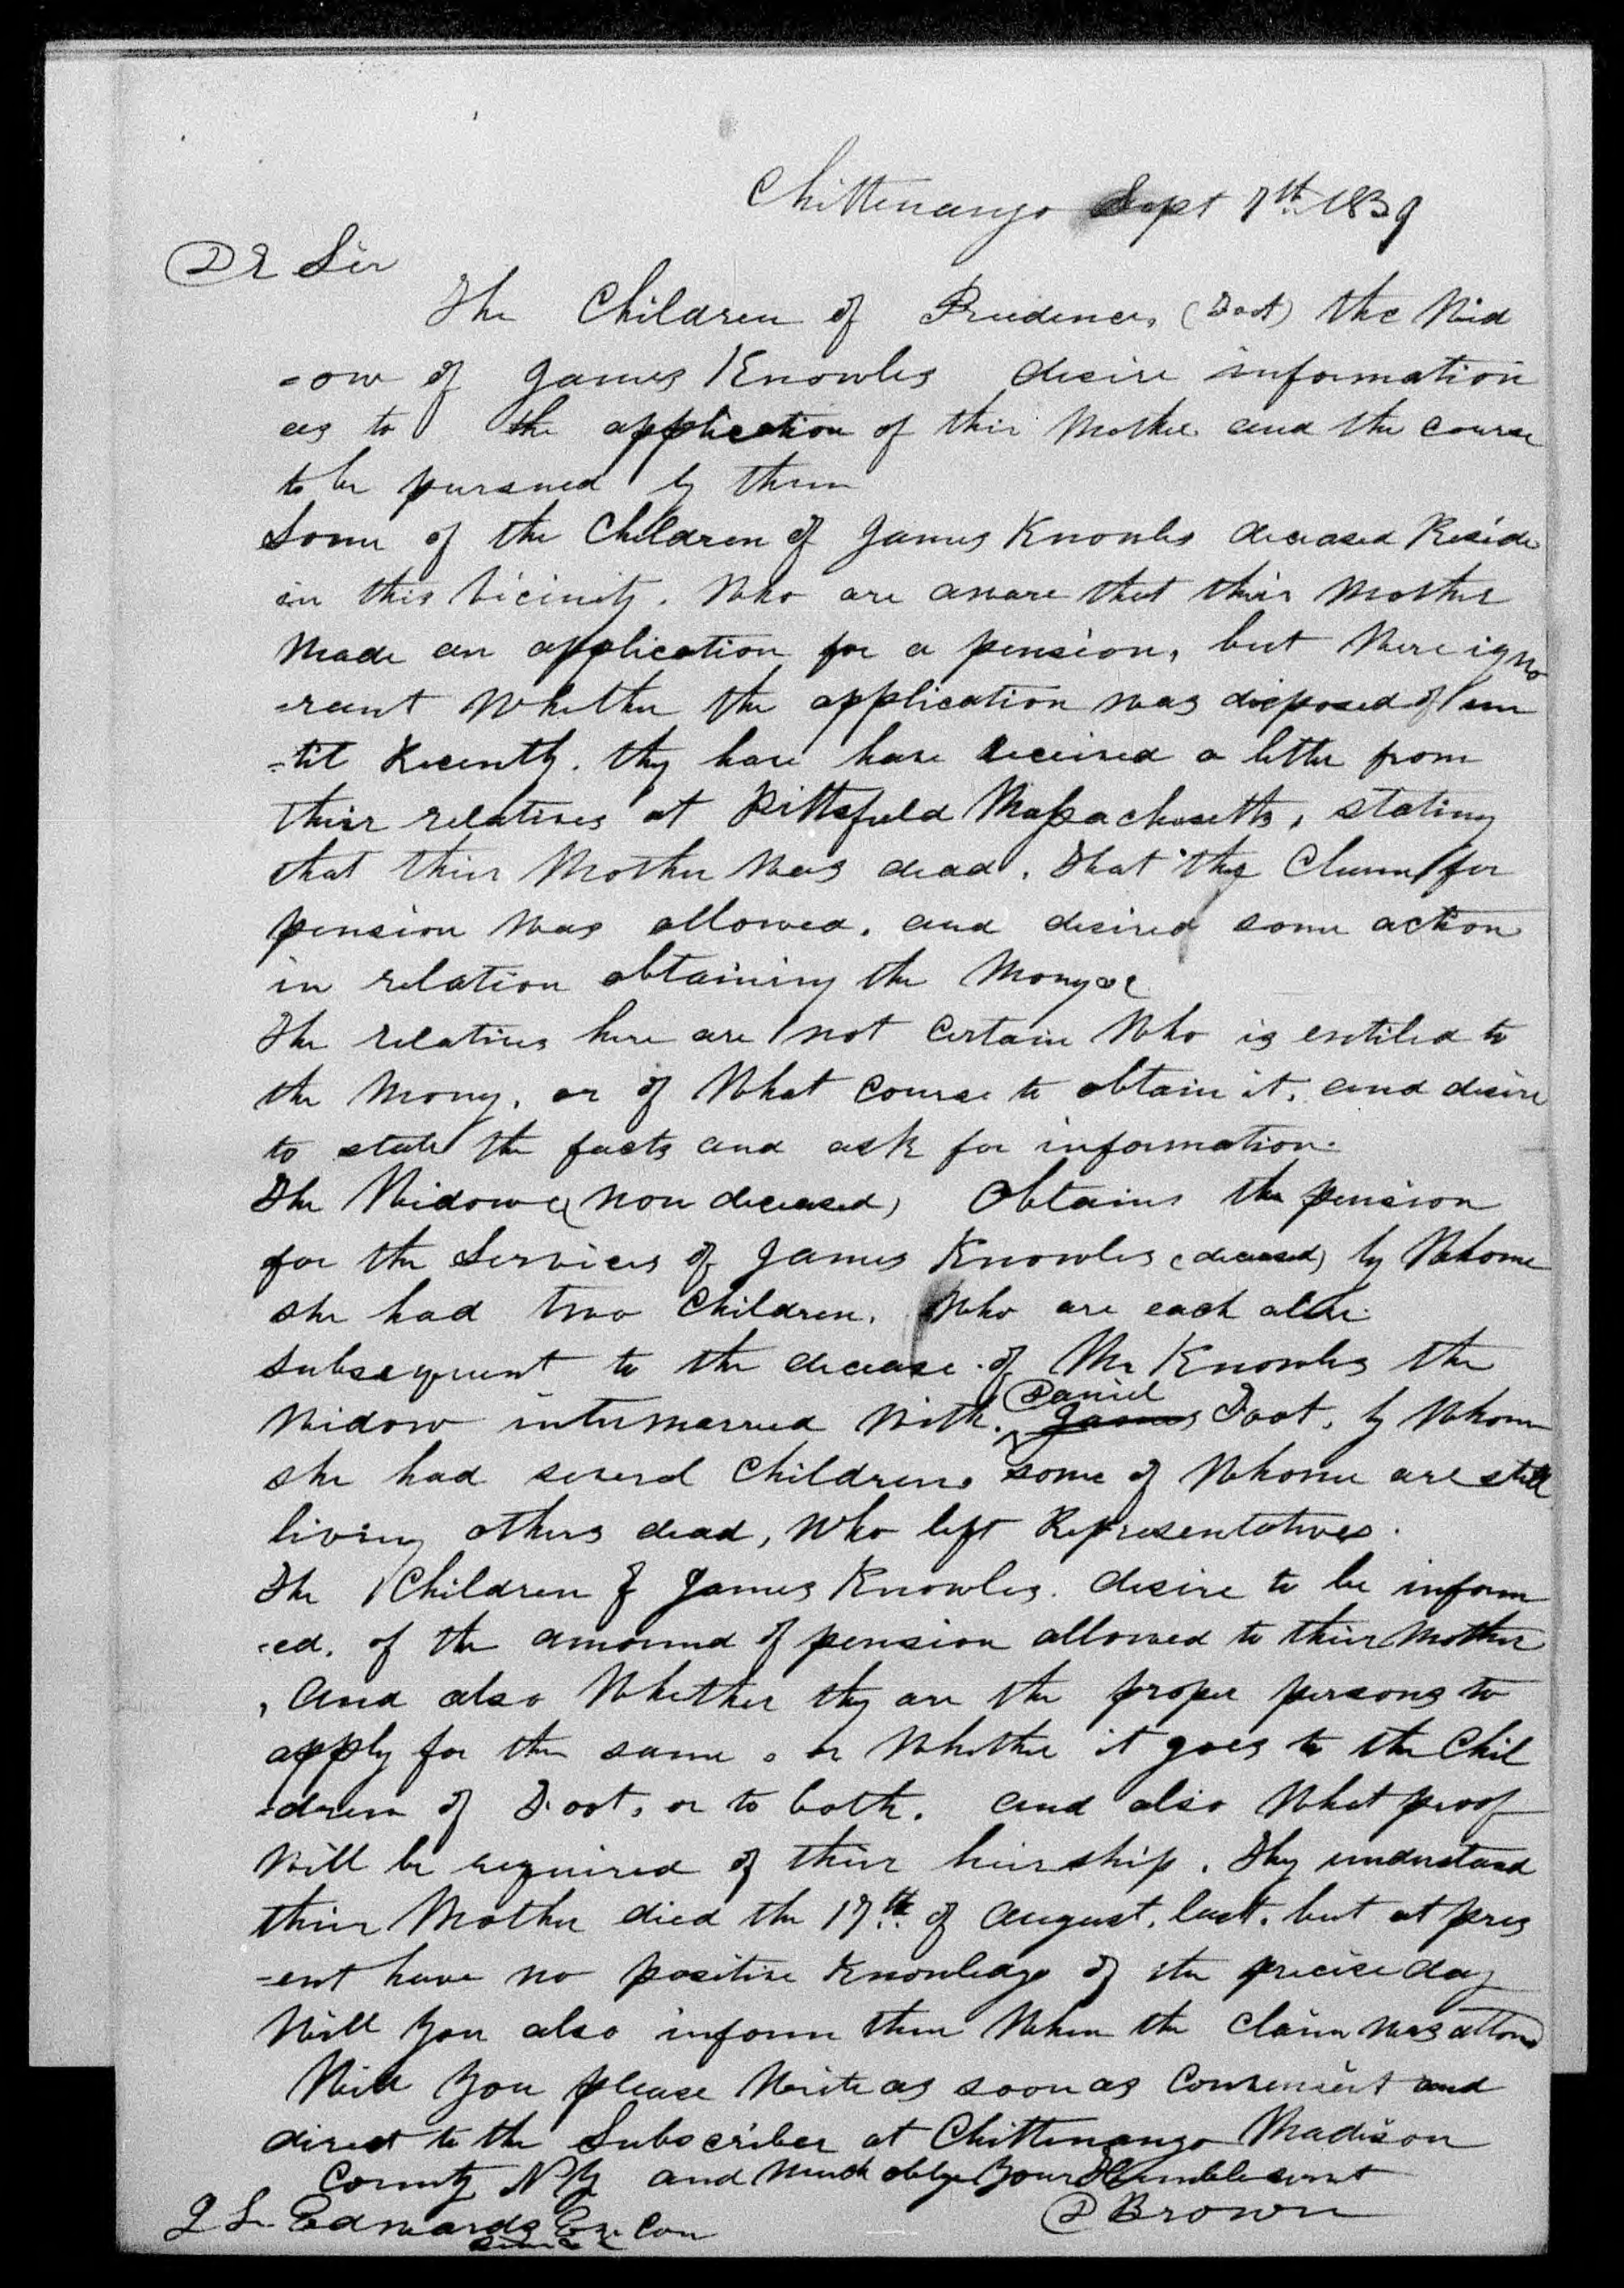Chittenango  Sept 7th 1839
Dr Sir
The Children of Prudence (Foot) the Widow of James Knowles desire information as to the application of their Mother and the course to her pursued by them
Some of the Children of James Knowles  deceased Reside in this Vicinity. Who are aware that their mother made an application for a pension, but there is no (illegible word) whether the application was disposed of until Recently. they have have received a letter from their relatives at Pittsfield Massachusetts, stating that their Mother was dead. That the Claim for pension was allowed, and desired some action in relation obtaining the Money &c.
The relatives here are not certain Who is entitled to the Money, or of What course to obtain it, and desire to state the facts and ask for information.
The Widow (now deceased) obtains the pension for the Services of James Knowles (deceased) by Whom she had two Children, who are each alive. Subsequent to the decease of Mr Knowles the widow intermarried with Daniel Foot, by Whom she had several children, some of Whom are still living others dead, who left Representatives. The Children of James Knowles desire to be informed of the amount of pension allowed to their mother and also Whether they are the proper persons to apply for the same or whether it goes to the Children of Foot, or to both. And also What proof will be required of their kinship. They understand their Mother died the 17th of August, last, but at present have no positive knowledge of the precise day.  Will you also inform them Whom the claim was allowed. Will you please Write as soon as convenient and direct to the Subscriber at Chittenango Madison County NY and much obliged  Your Humble servt
D Brown
J L Edwards Esq (illegible writing)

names: D Brown; James Knowles; Daniel Foot; J L Edwards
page: 35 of 60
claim: widow's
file: W. 14,036, for James Knowles, Connecticut